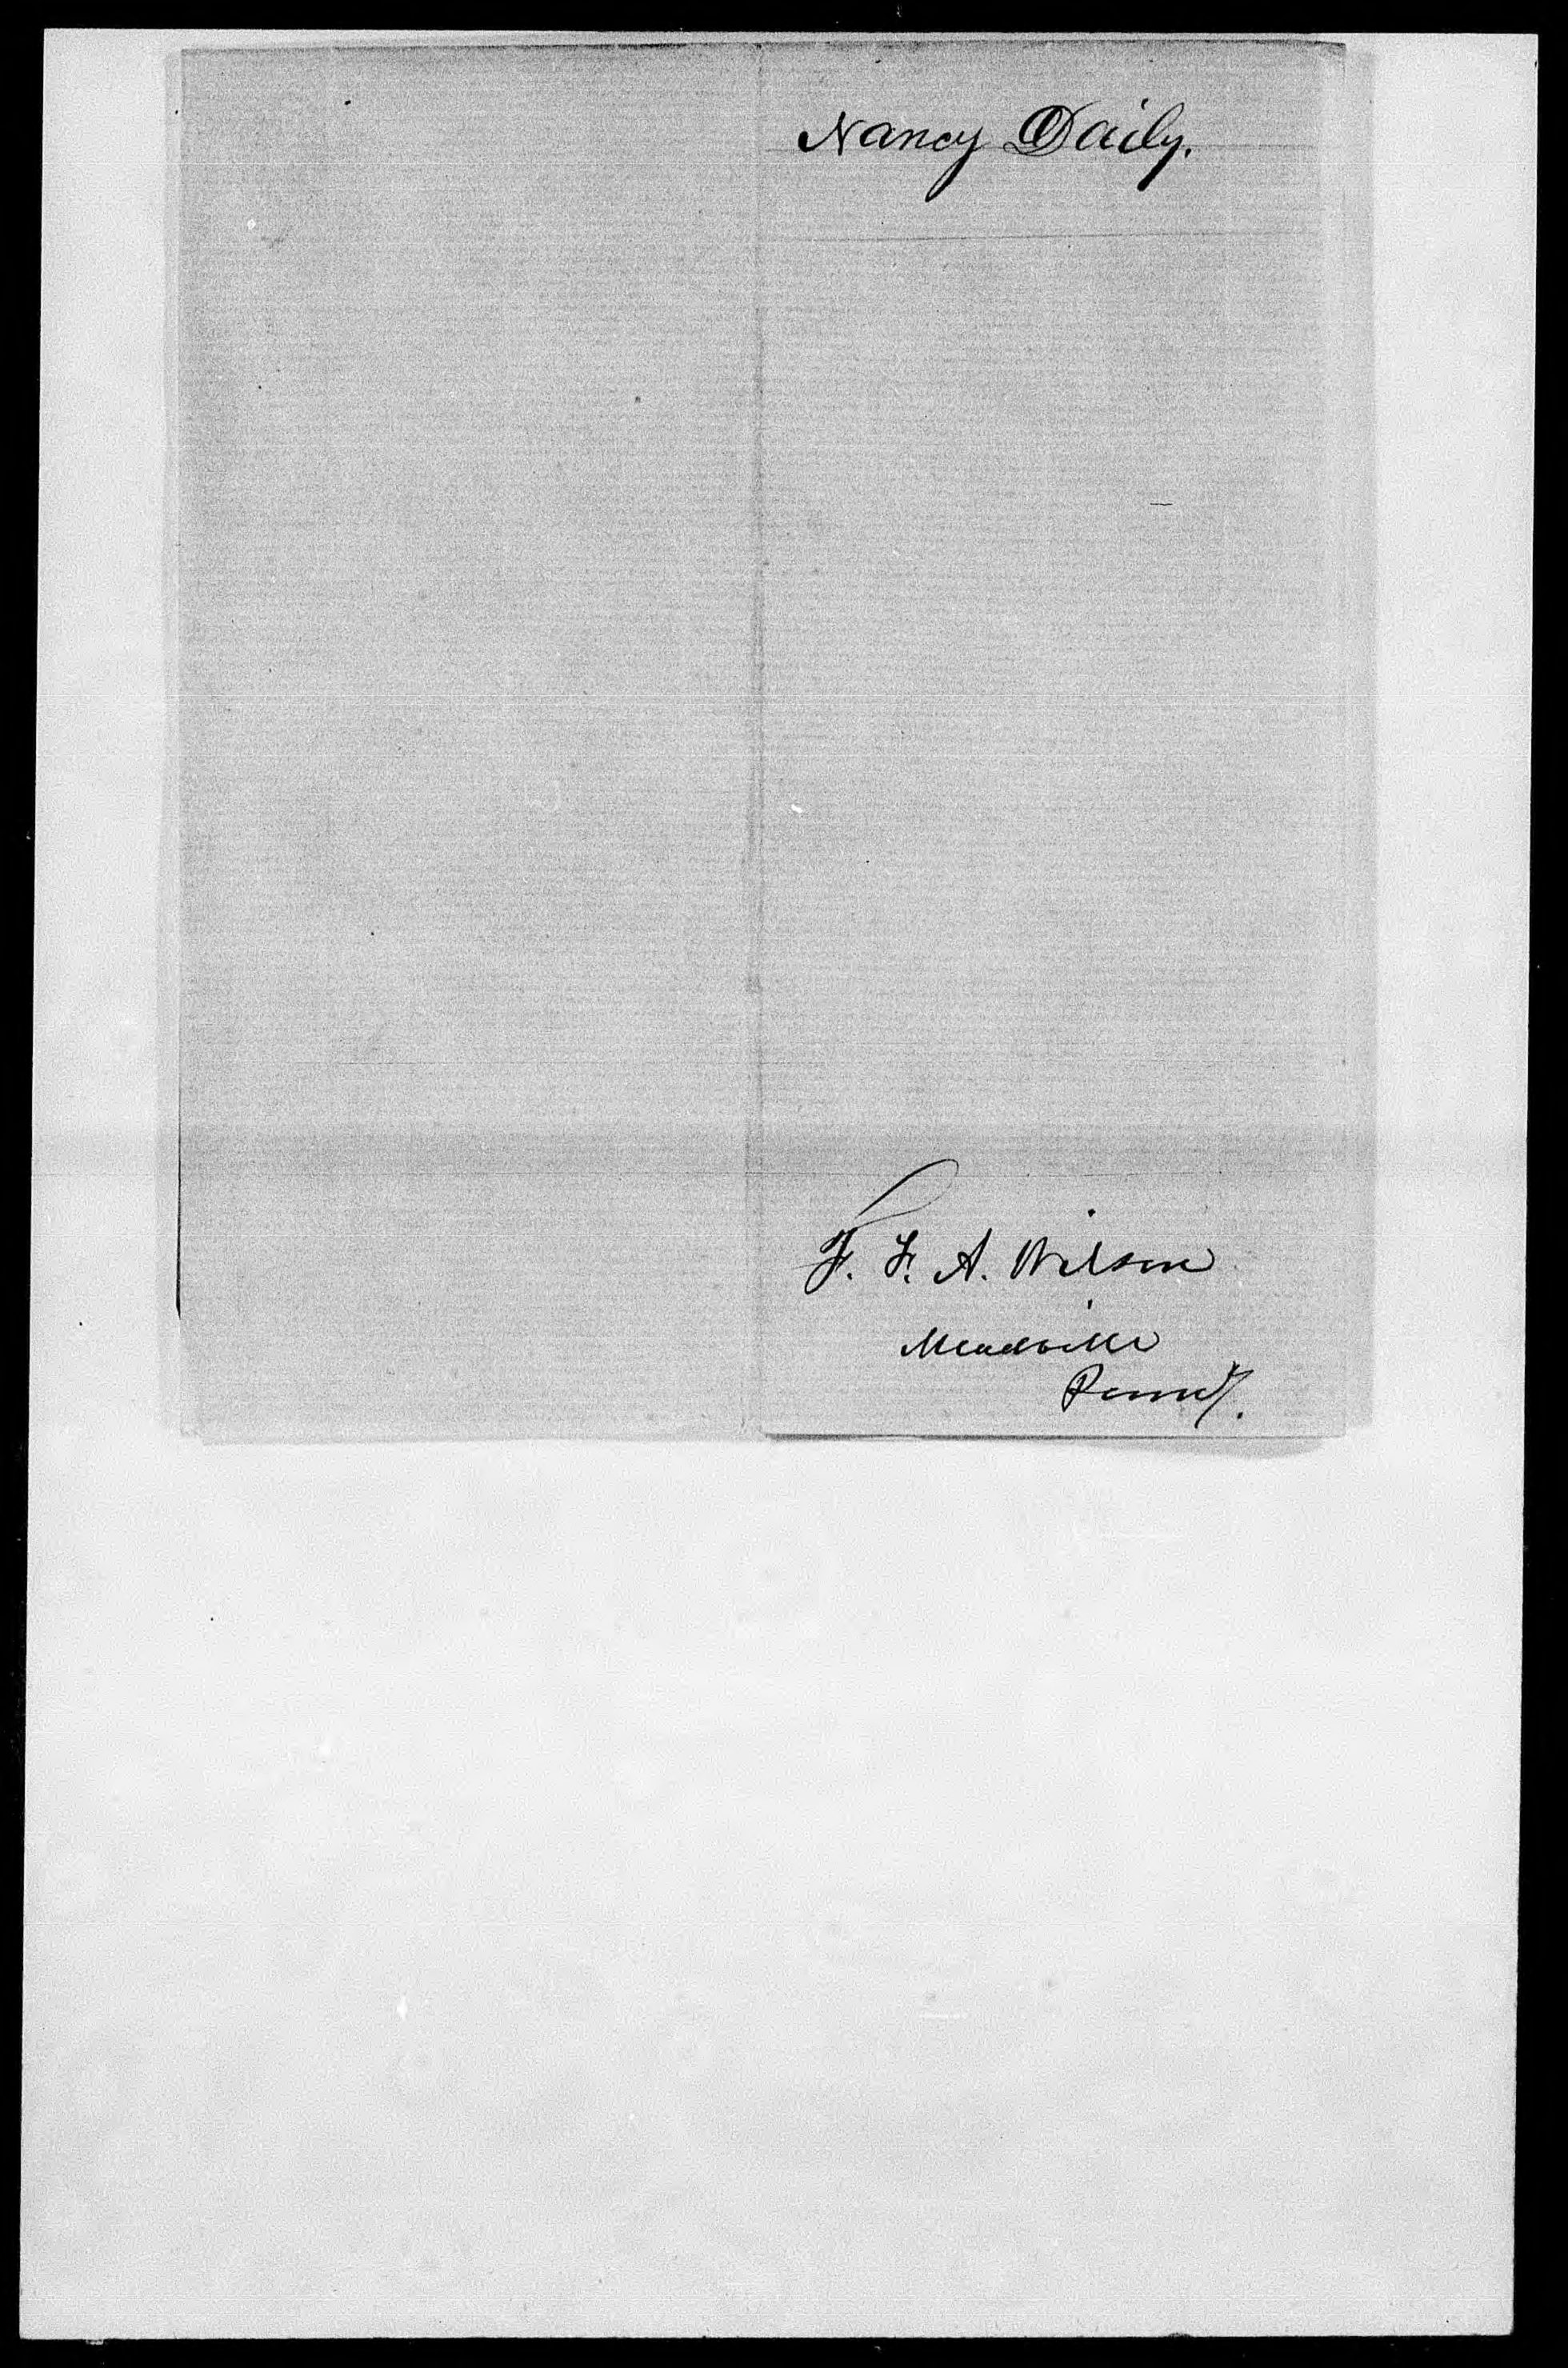{bifold paper}
{bottom right}
F.F.A. Wilson
Meadville
Penna.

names: Nancy Daily, F F A Wilson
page: 5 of 63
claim: widow's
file: W. 3228, John Daly, Penn.